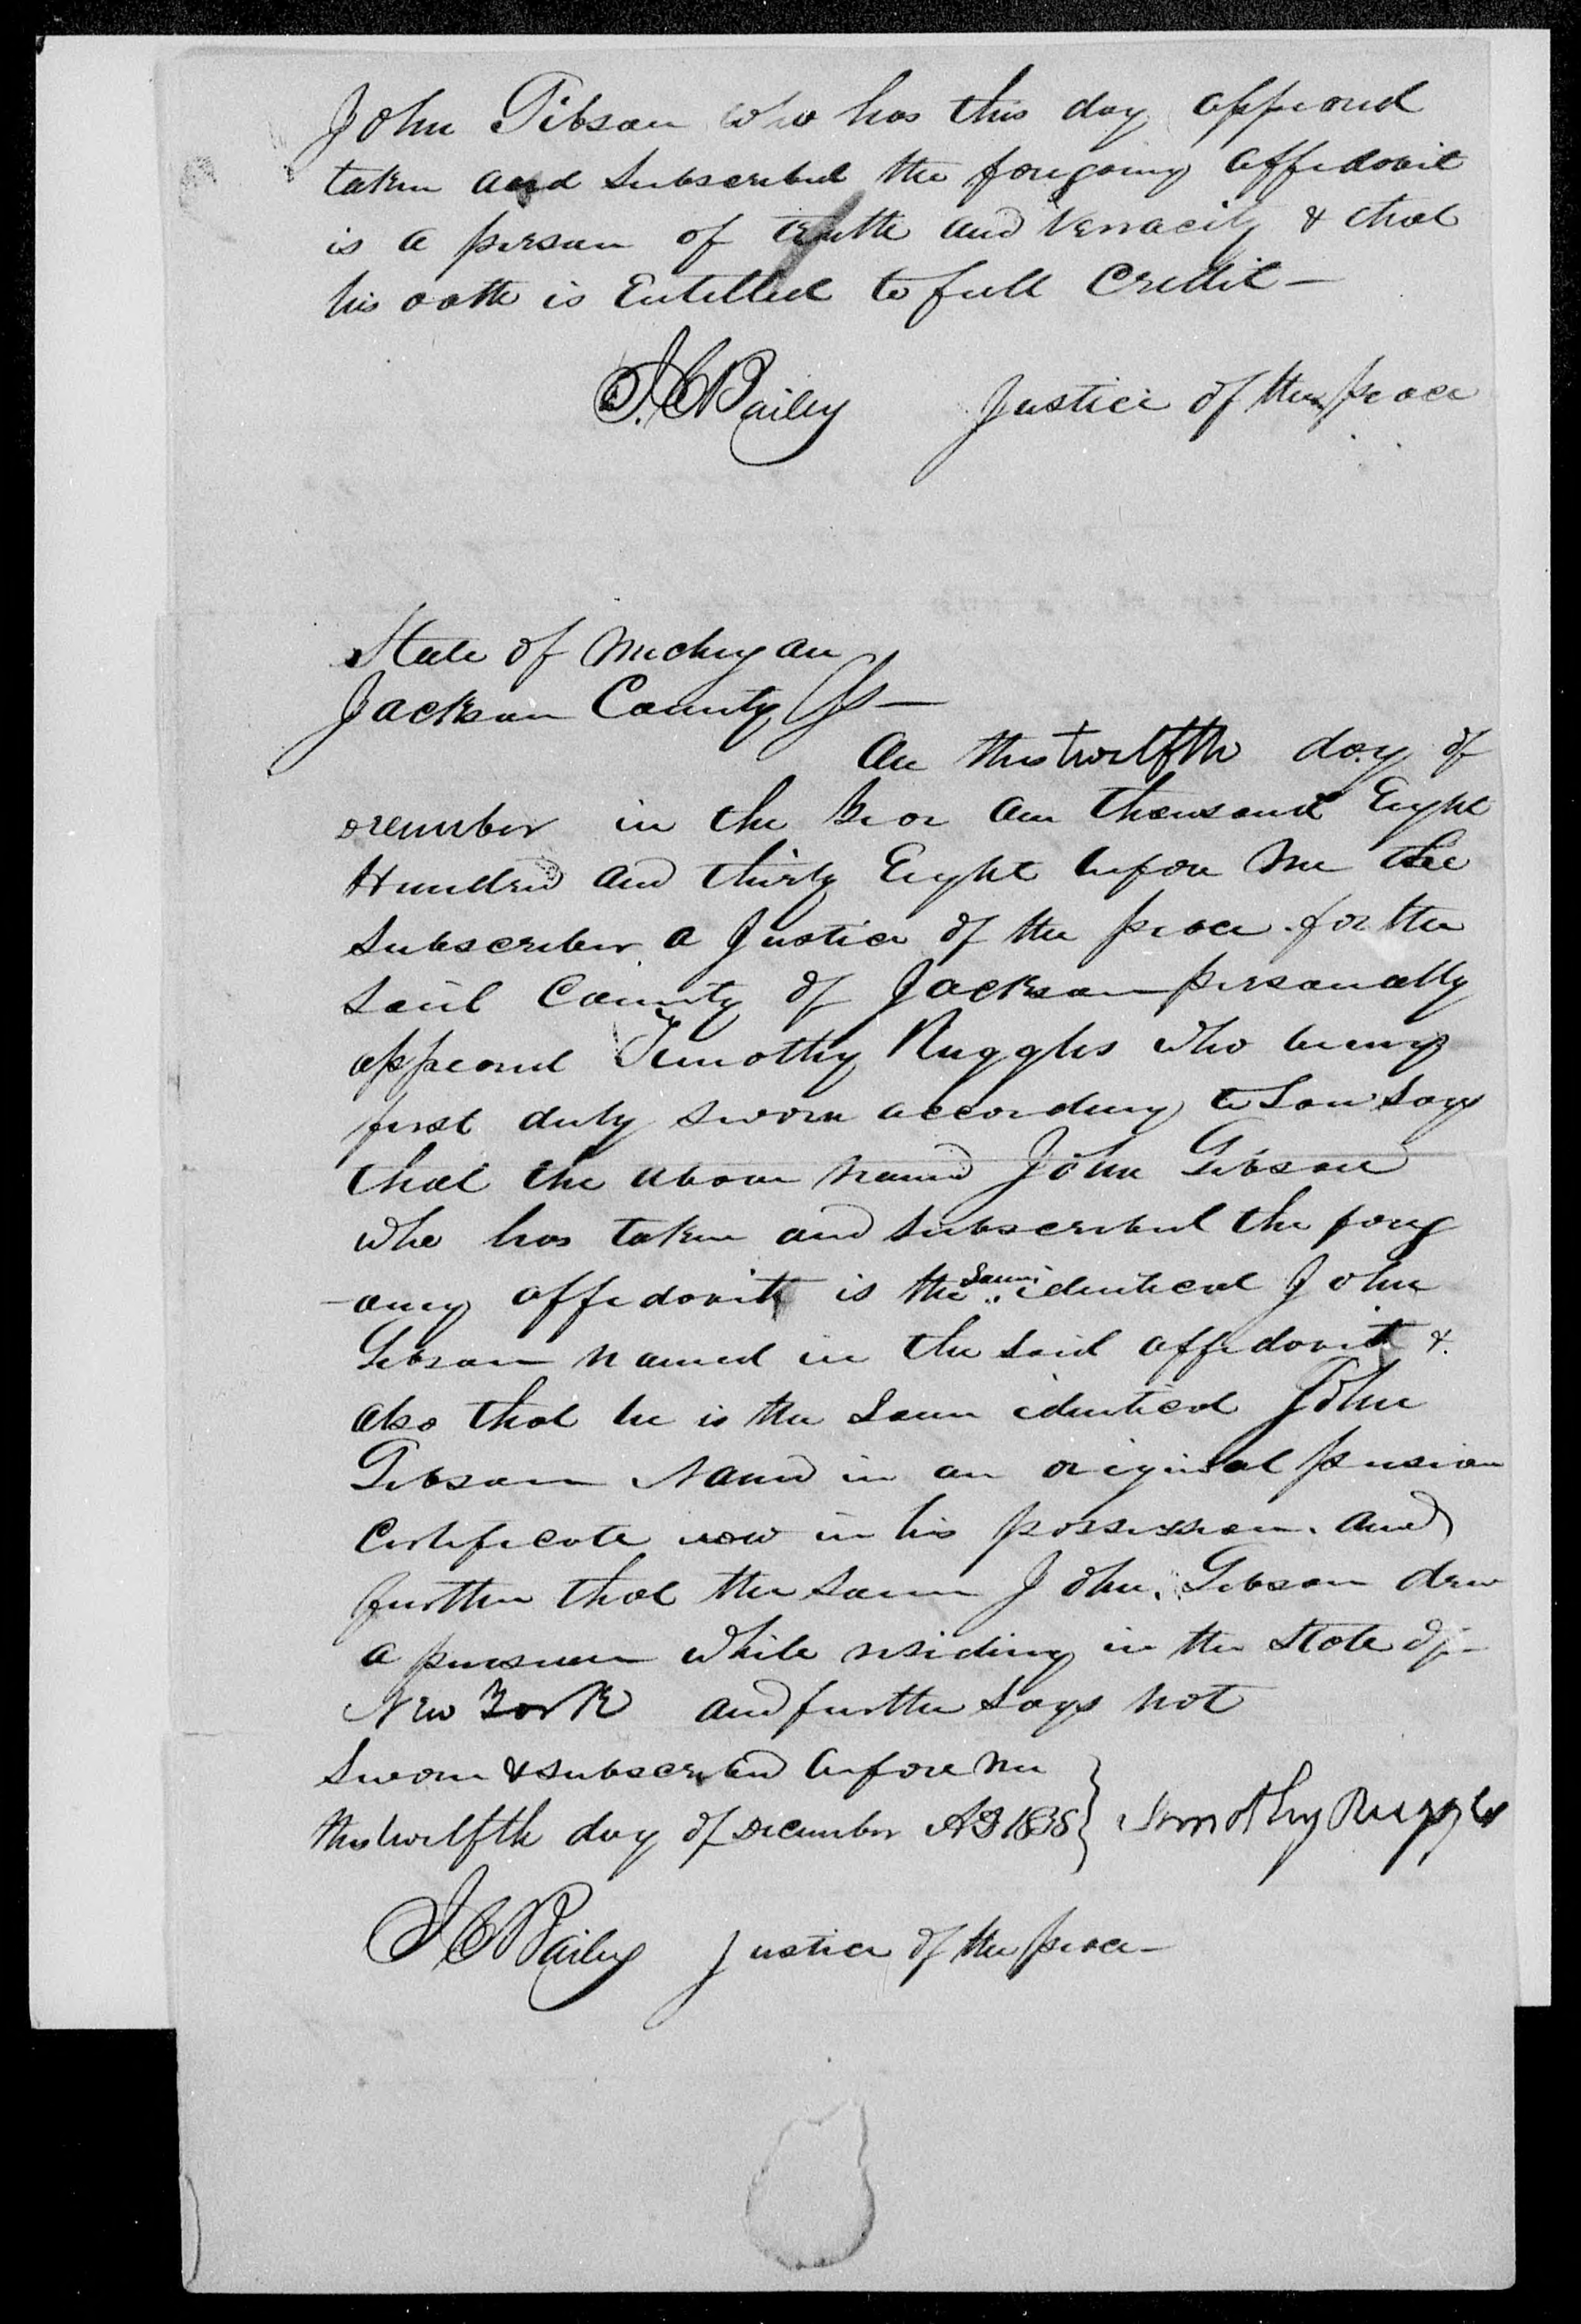John Gibson who has this day appeared
taken and subscribed the foregoing affidavit
is a person of truth and veracity & that
his oath is Entitled to full credit-
J. C. Bailey
Justice of the peace
State of Michigan
Jackson County Ss
On this twelfth day of
December in the year one thousand Eight
Hundred and thirty Eight before me the
Subscriber a Justice of the peace for the
said County of Jackson personally
appeared Timothy Ruggles who being
first duly sworn according to Law says
that the above named John Gibson
who has taken and subscribed the foregoing
affidavit is the identical John
Gibson named in the said affidavit &
also that he is the same identical John
Gibson Named in an original pension
certificate now in his possession, and
further that the same John Gibson drew
a pension while residing in the State of
New York and further says not
Sworn & subscribed before me
the twelfth day of December AD 1838
Timothy Ruggles
J. C. Bailey
Justice of the peace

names: John Gibson, John Gibson, Timothy Ruggles, Timothy Ruggles, John Gibson, John Gibson, J C Bailey, J C Bailey, John Gibson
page: 4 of 32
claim: survivor's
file: S. 34899, John Gibson, R.I.